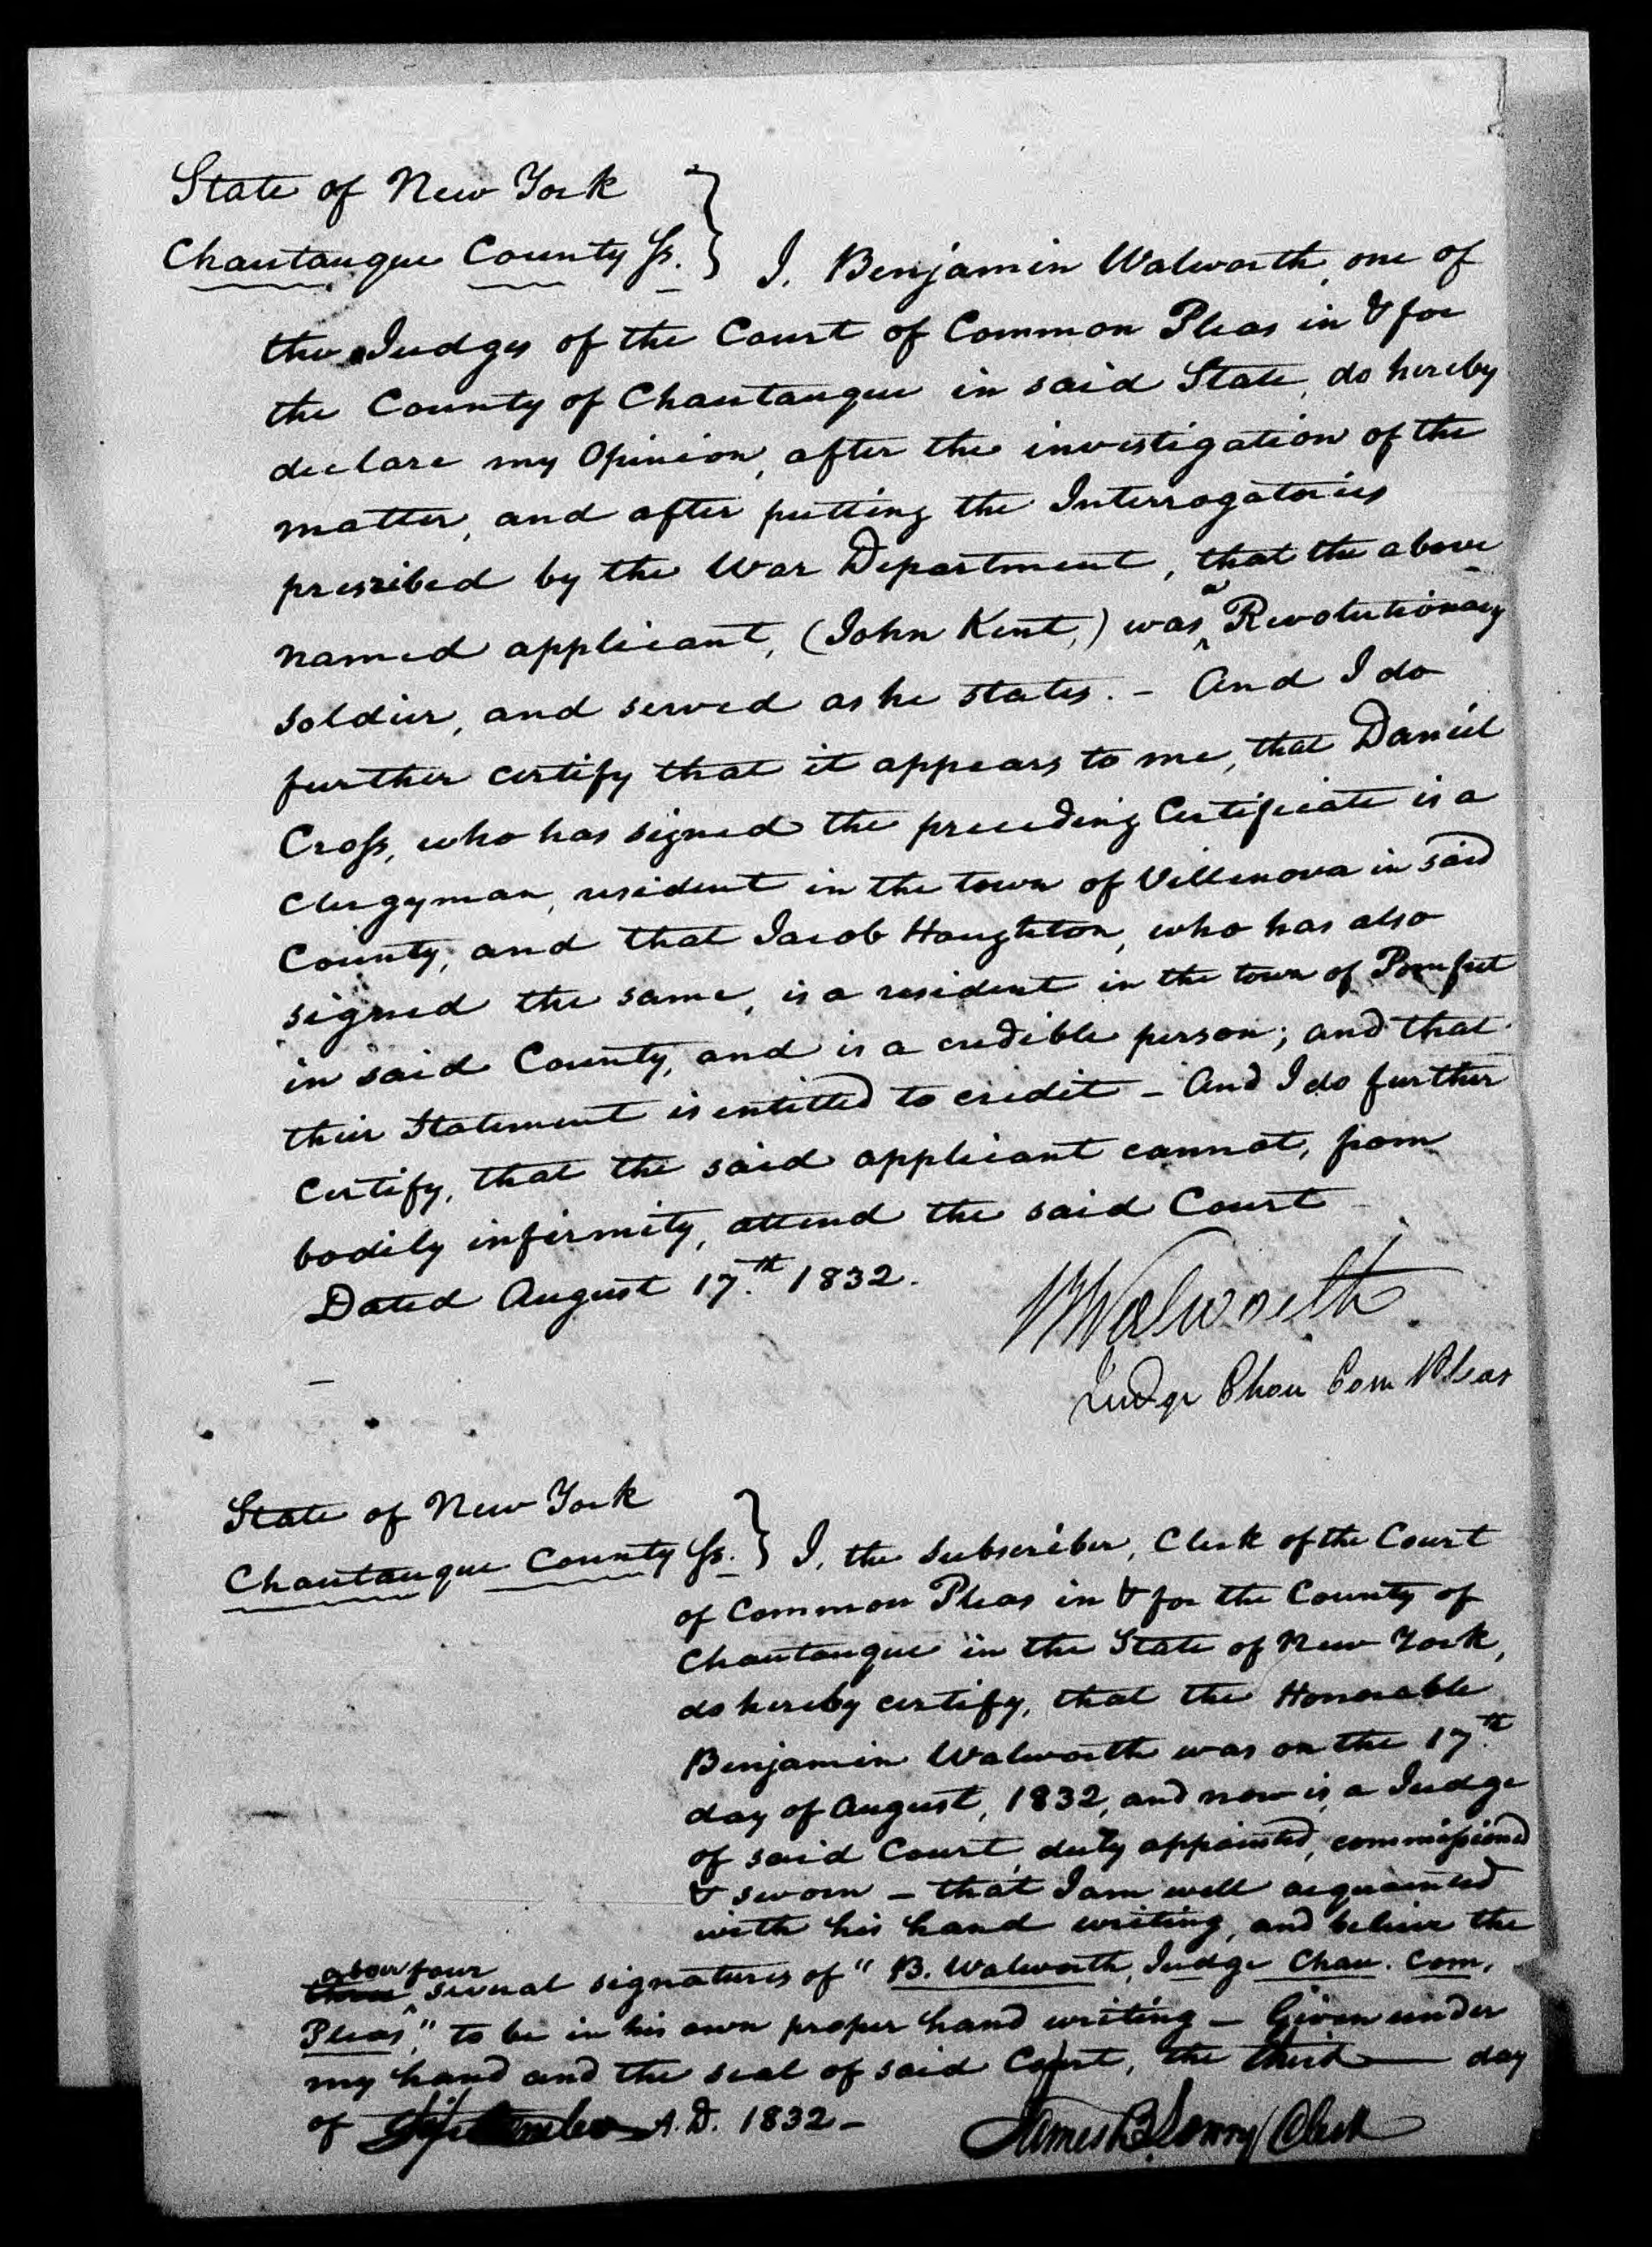State of New York 
Chautauqua County ss.}
I Benjamin Walworth one of the Judges of the Court of Common Pleas in & for the County of Chautauqua in said State, do hereby declare my opinion, after the investigation of the matter, and after putting the Interrogatories presribed by the War Department, that the above named applicant (John Kent,) was a Revolutionary soldier, and served as he states. And I do further certify that it appears to me, that Daniel Cross, who has signed the preceding certificate is a clergyman, resident in the town of Villenova in said County, and that Jacob Houghton, who has also signed the same, is a resident in the town of Pomfret in said County, and is a credible person; and that their statement is entitled to credit - And I do further certify, that the said applicant cannot, from bodily infirmity, attend the said Court 
Dated August 17th 1832 
B Walworth 
Judge Chau Com Pleas 

State of New York 
Chautauqua County ss.⎬ 
I, the subscriber, Clerk of the Court of Common Pleas in & for the County of Chantauqua in the State of New York, do hereby certify that the Honorable Benjamin Walworth was on the 17th day of August, 1832, and now is, a Judge of said Court, duly appointed, commissioned & sworn - that I am well acquainted with his hand writing, and believe the above four several signatures of "B. Walworth, Judge Chau. Com. Pleas," to be in his own proper hand writing - Given under my hand and the seal of said Court, the third day of September A.D. 1832  - 
James B Sanry Clerk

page: 16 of 50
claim: widow's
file: W. 4253, for John Kent, Vermont